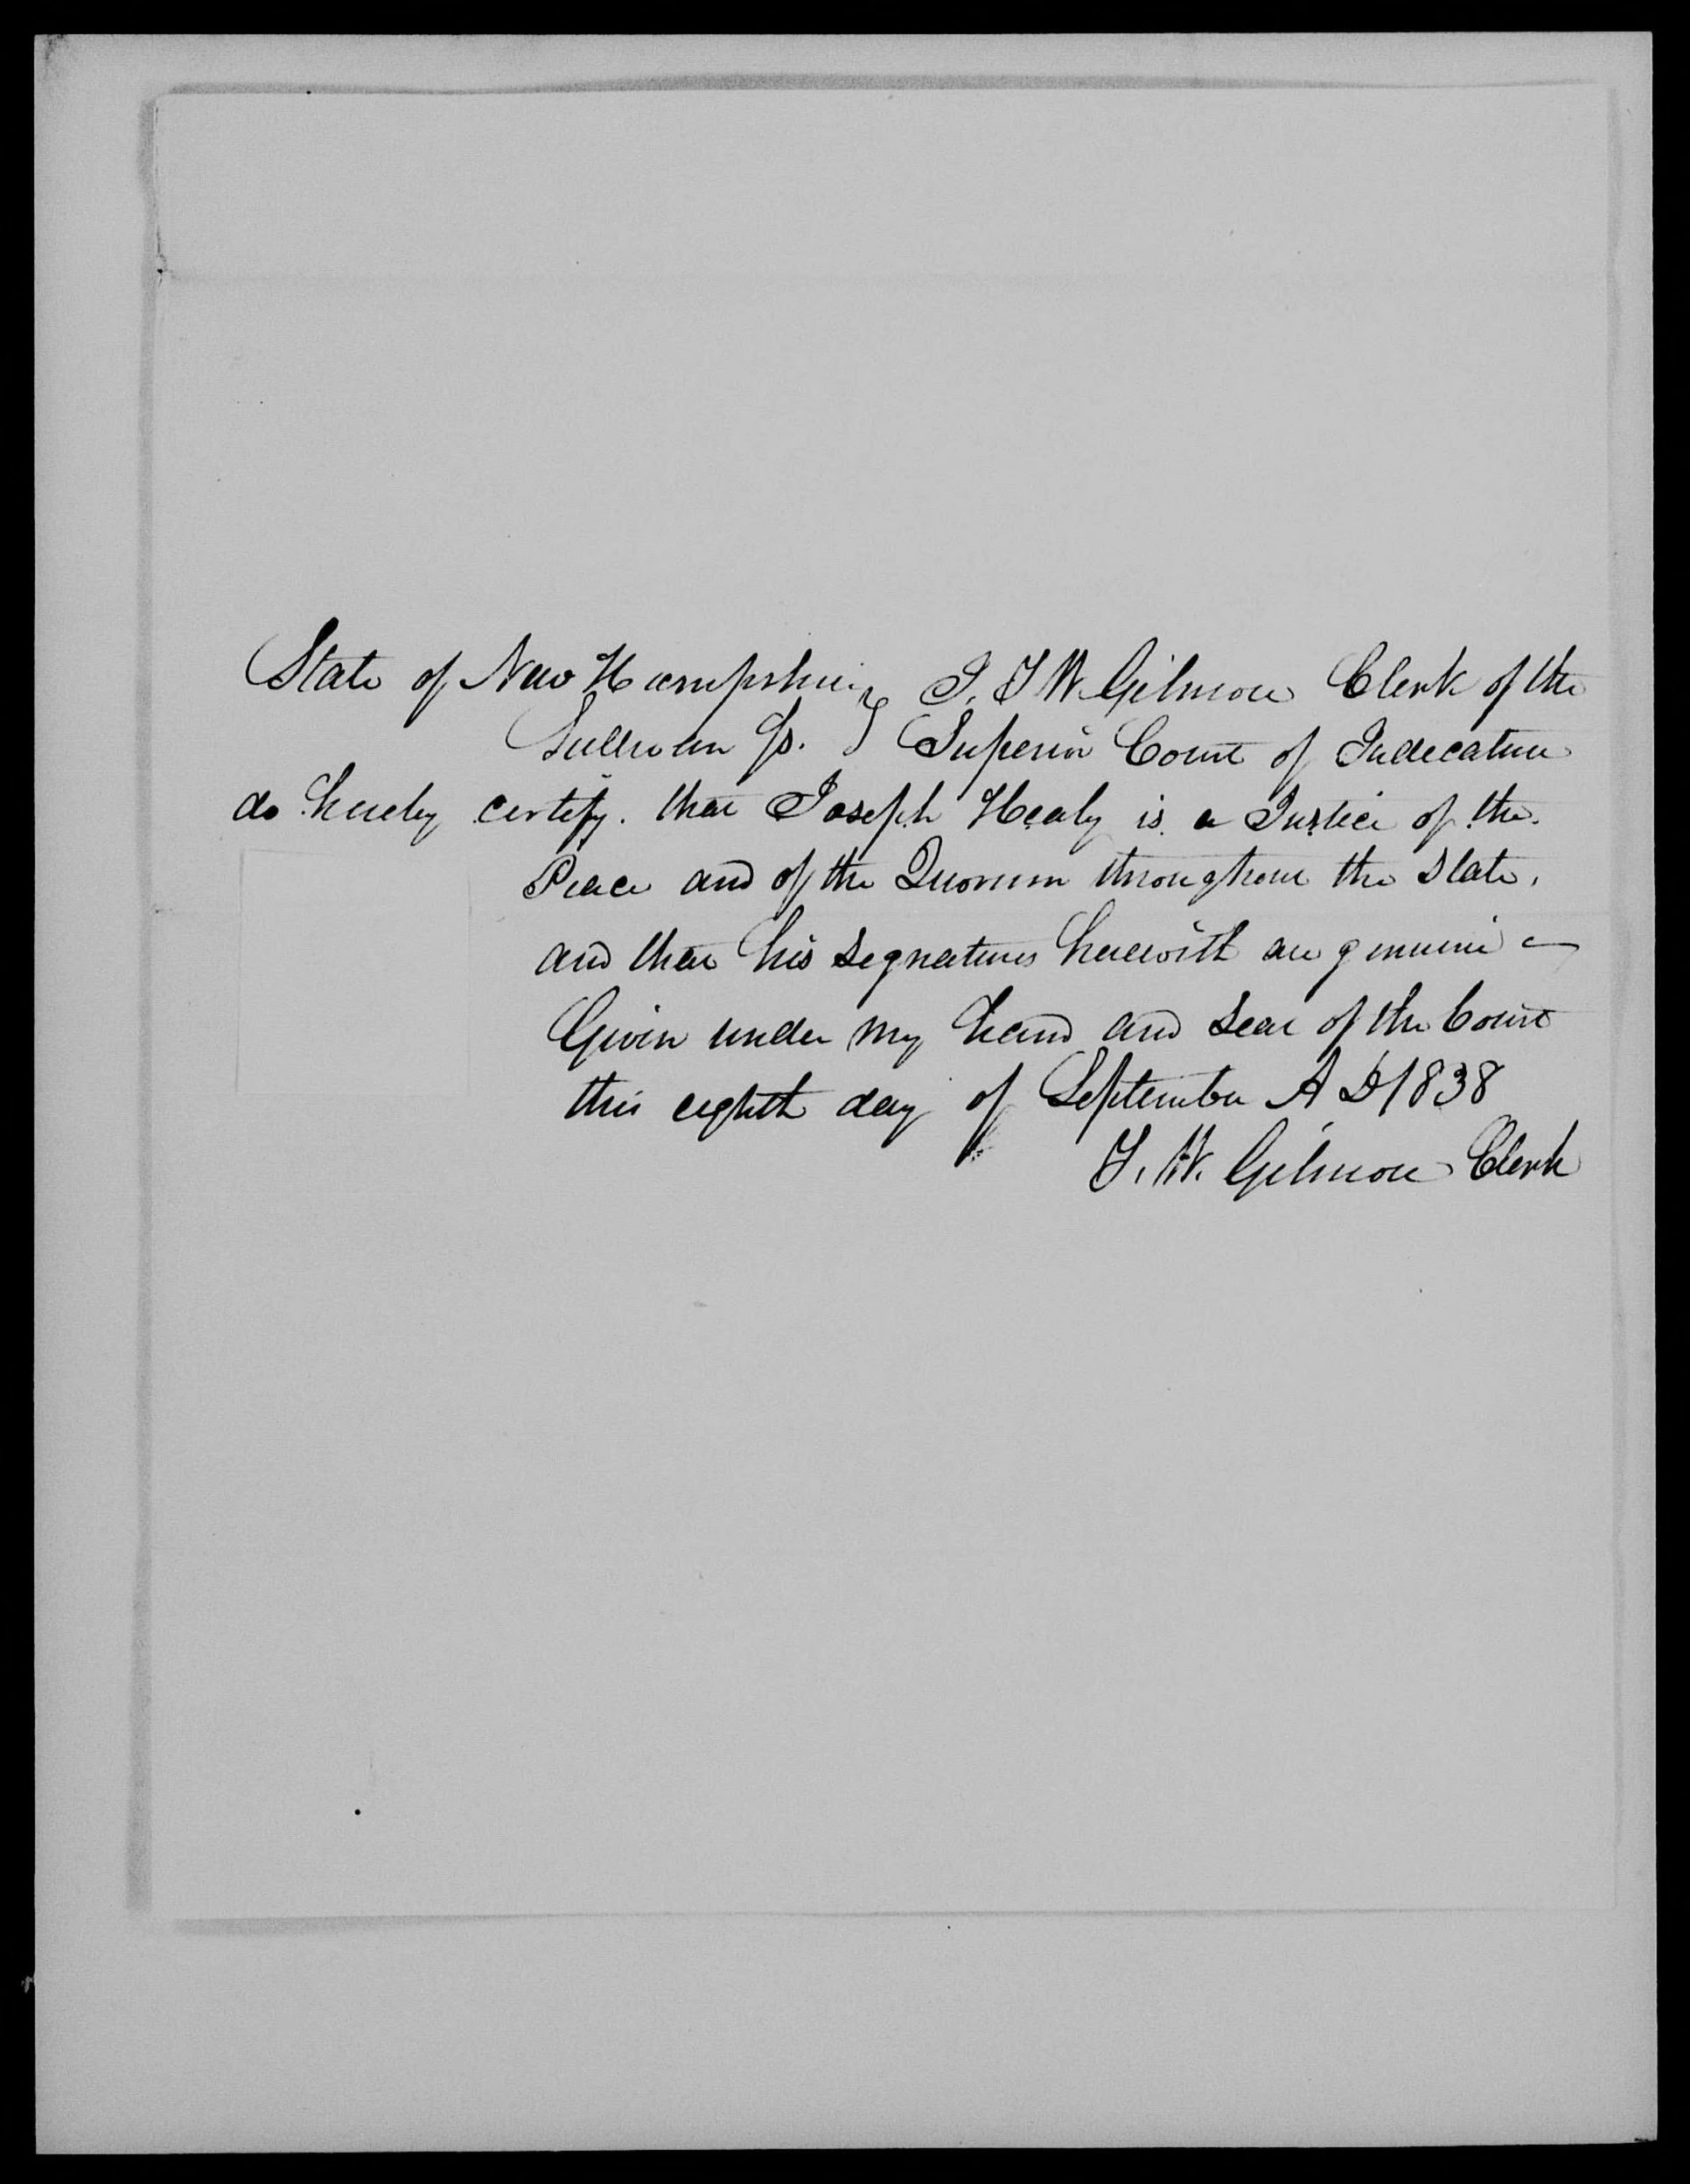State of New Hampshire
Sullivan Ss. 
I T. W. Gilman Clerk of the Superior Court of Judication do hereby certify that Joseph Healy is a Justice of the Peace and of the Quorum throughout the State, and that his signatures herewith are genuine.

(Seal)
Given under my hand and Seal of the Court this eighth day of September A. D. 1838
T. W. Gilman Clerk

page: 34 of 41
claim: widow's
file: W 26507, for Church Tabor, Massachusetts